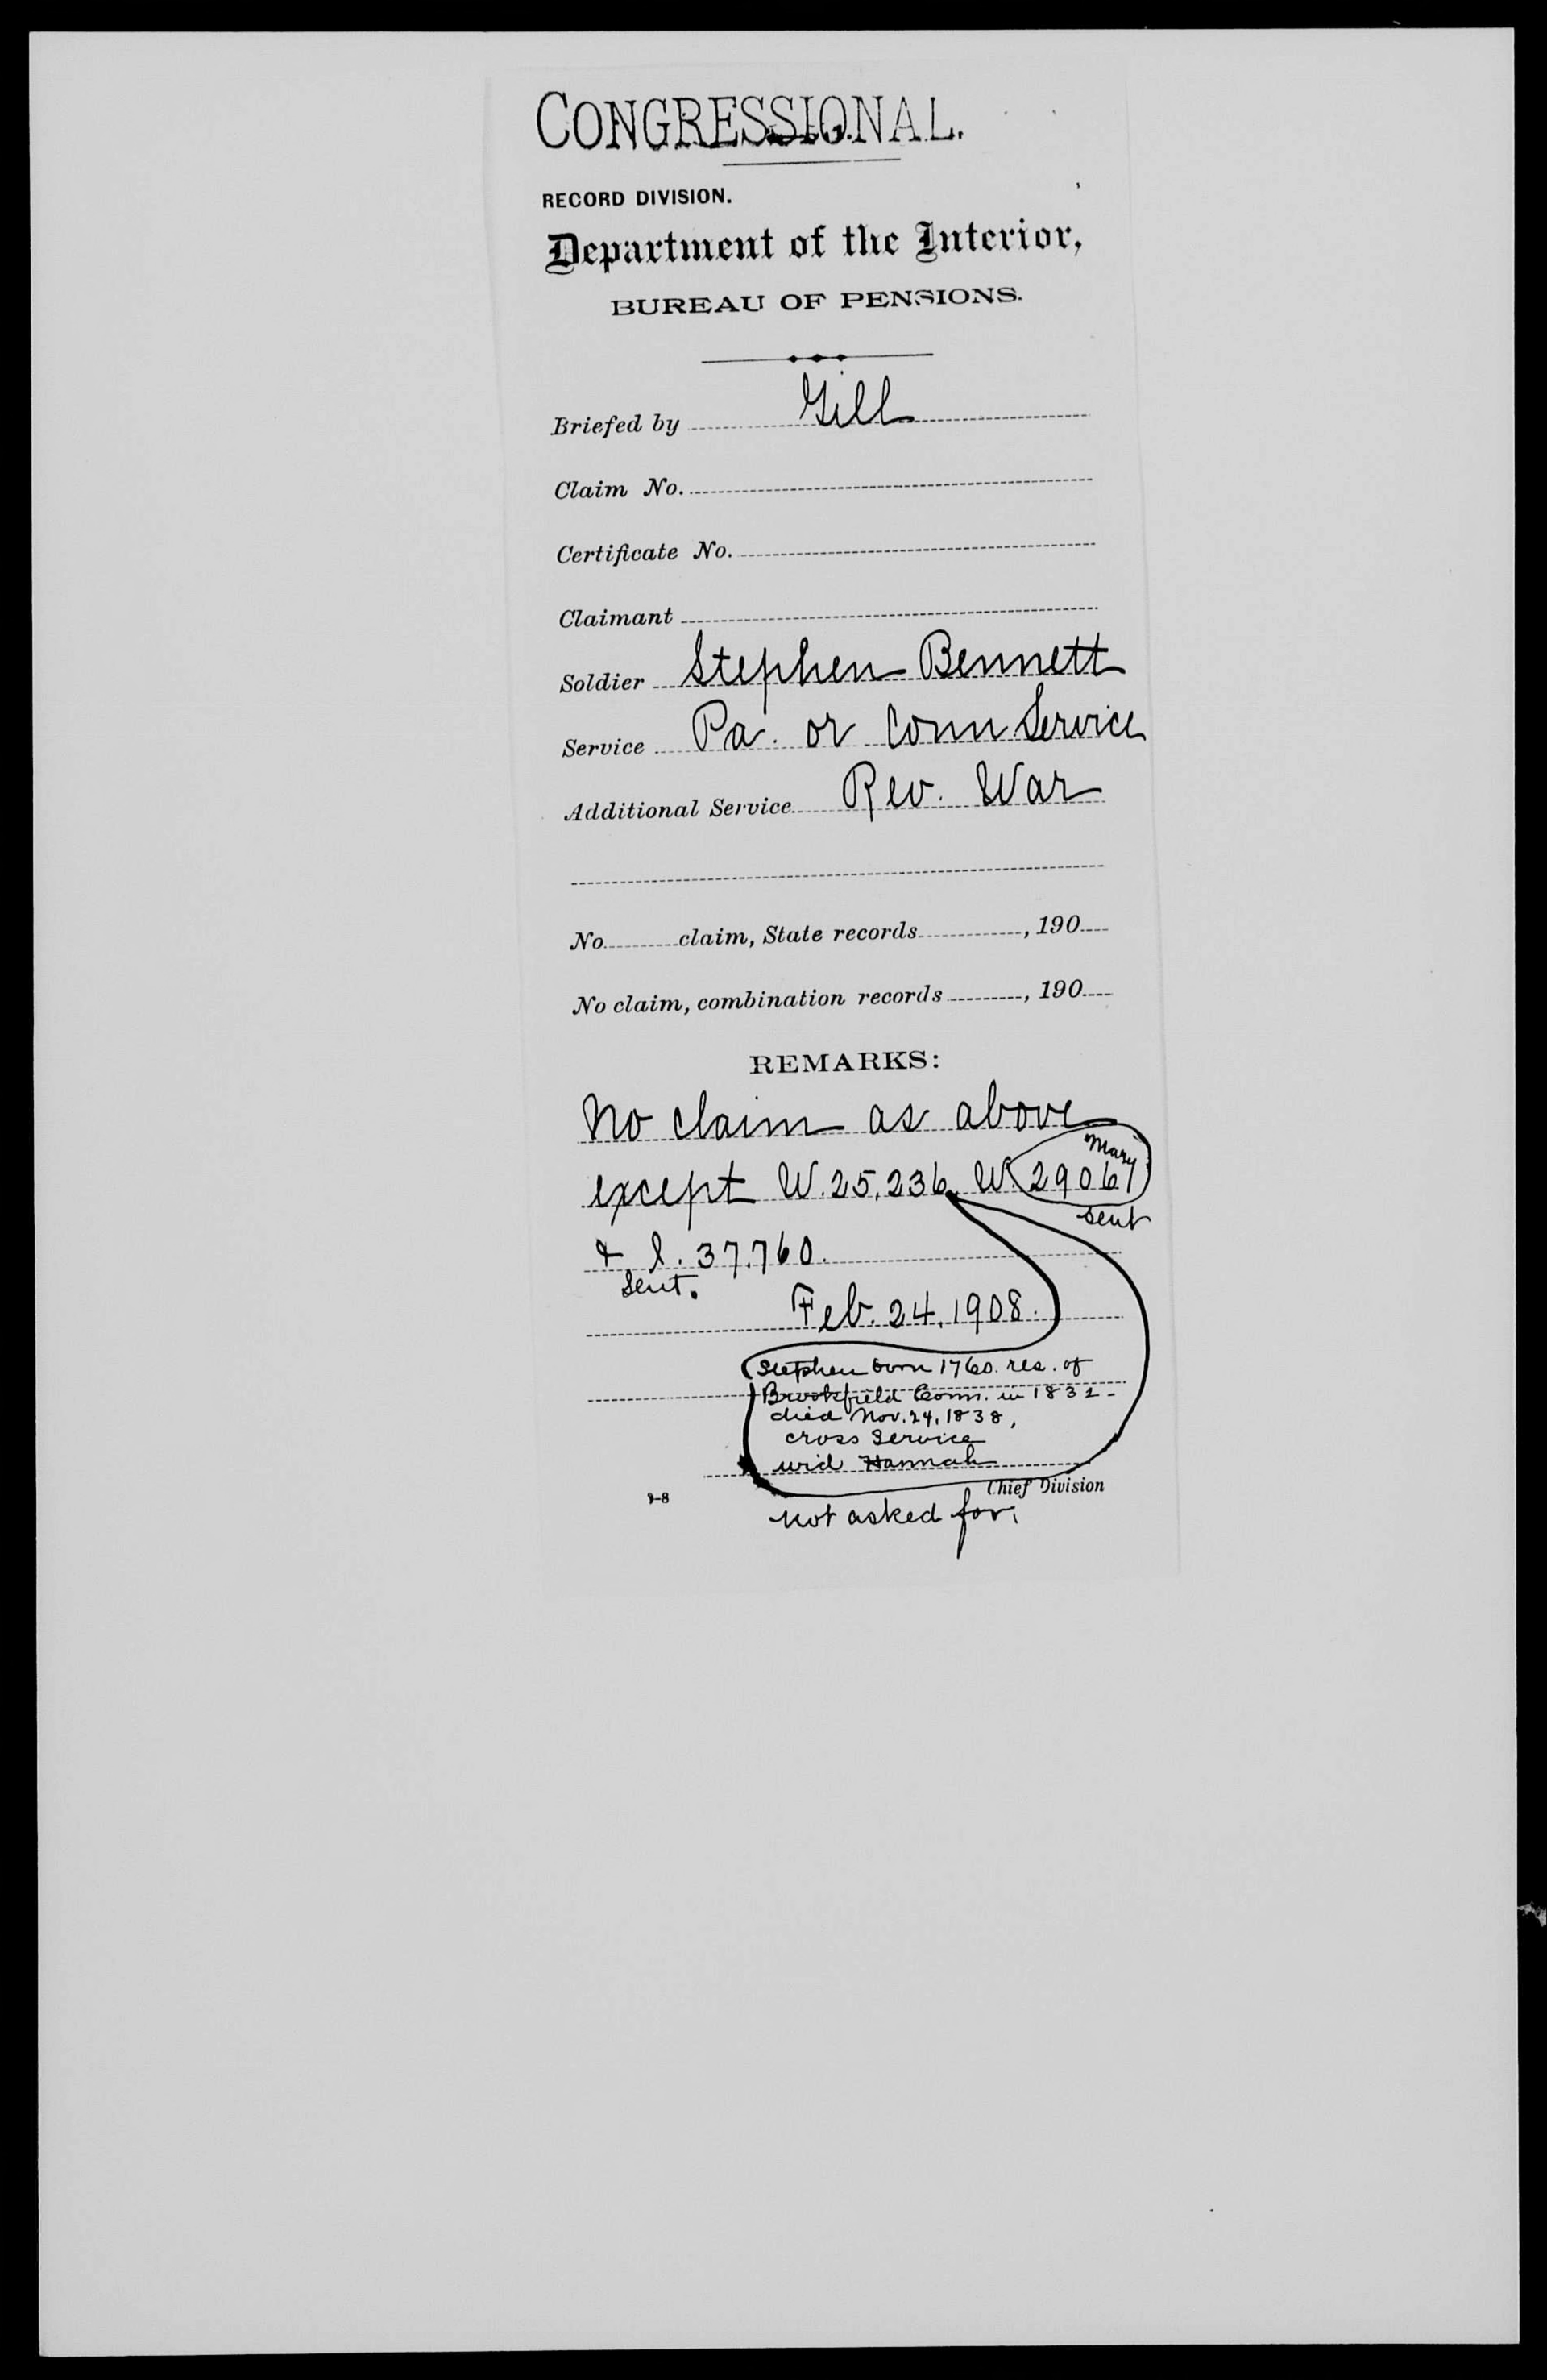CONGRESSIONAL
Record Divison
Department of the Interior,
Bureau of Pensions

Briefed by Gill
Claim No.
Certificate Nl.
Claimant
Soldier Stephen Bennett
Service Pa. or Conn. Service
Addditional Service Rev. War

No   claim, State recores  , 190
No claim, combination records , 190

REMARKS:
No claim as above except @ 25, 236 W2906 Mary sent  & I 37760 sent
Feb. 24. 1908
Stephen born 1760 res. of Brookfield Conn. in 1832. died Nov. 25, 1838. cross service wid. Hannah

Chief Division
Not asked for.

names: Stephen Bennett, Gill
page: 23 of 79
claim: widow's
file: W. 2,906, Stephen Bennet, Conn.